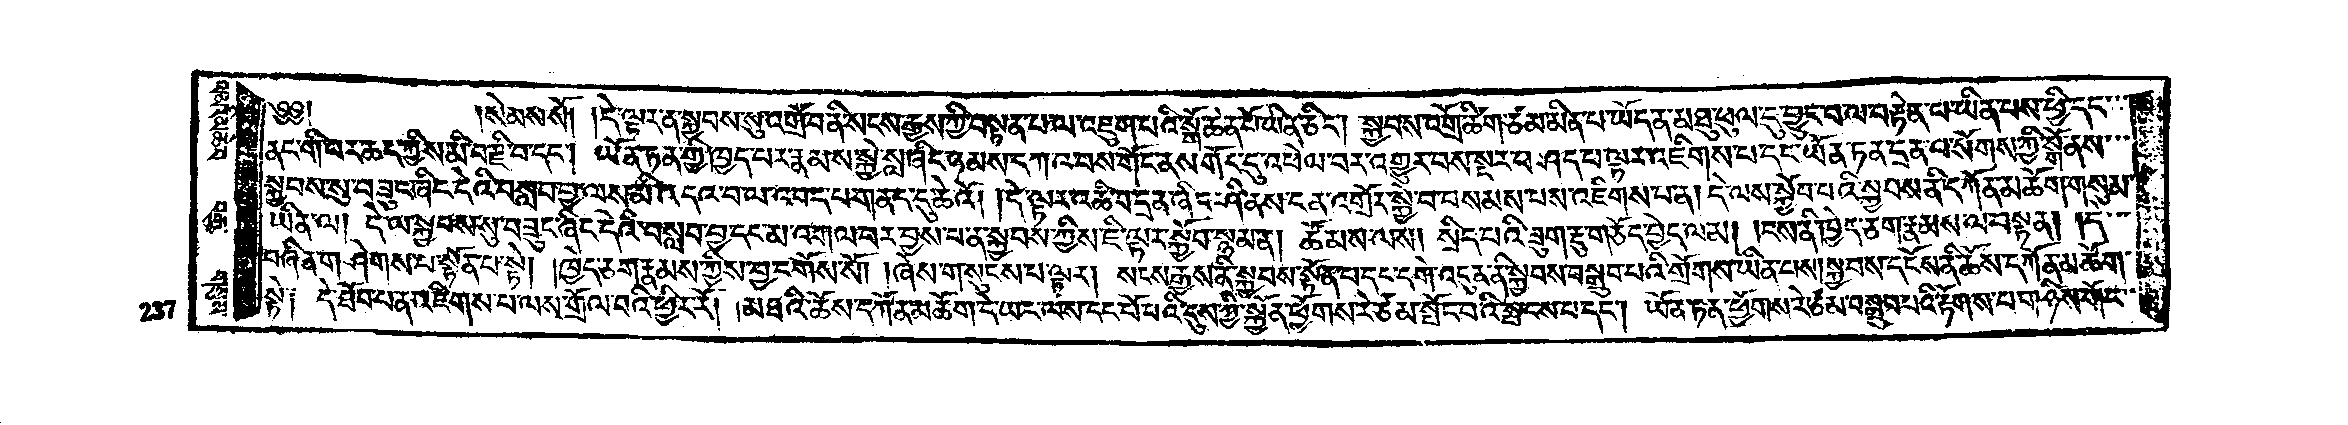༄༅། །སེམས་སོ། །དེ་ལྟར་ན་སྐྱབས་སུ་འགྲོ་བ་ནི་སངས་རྒྱས་ཀྱི་བསྟན་པ་ལ་འཇུག་པའི་སྒོ་ཆེན་པོ་ཡིན་ཅིང་། སྐྱབས་འགྲོ་ཚིག་ཙམ་མིན་པ་ཡོད་ན་མཐུ་ཕུལ་དུ་བྱུང་བ་ལ་བརྟེན་པ་ཡིན་པས་ཕྱི་དང་
ནང་གི་བར་ཆད་ཀྱིས་མི་བརྫི་བ་དང་། ཡོན་ཏན་གྱི་ཁྱད་པར་རྣམས་སྐྱེ་སླ་ཞིང་ཉམས་དཀའ་བས་གོང་ནས་གོང་དུ་འཕེལ་བར་འགྱུར་བས་སྔར་བཤད་པ་ལྟར་འཇིགས་པ་དང་ཡོན་ཏན་དྲན་པ་སོགས་ཀྱི་སྒོ་ནས་
སྐྱབས་སུ་བཟུང་ཞིང་དེའི་བསླབ་བྱ་ལས་མི་འདའ་བ་ལ་འབད་པ་གནད་དུ་ཆེའོ། །དེ་ལྟར་འཆི་བ་དྲན་ཞིང་ཤི་ནས་ངན་འགྲོར་སྐྱེ་བ་བསམས་པས་འཇིགས་པ་ན། དེ་ལས་སྐྱོབ་པའི་སྐྱབས་ནི་དཀོན་མཆོག་གསུམ་
ཡིན་ལ། དེ་ལ་སྐྱབས་སུ་བཟུང་ཞིང་དེའི་བསླབ་བྱ་དང་མ་འགལ་བར་བྱས་པ་ན་སྐྱབས་ཀྱིས་ཇི་ལྟར་སྐྱོབ་སྙམ་ན། ཚོམས་ལས། སྲིད་པའི་ཟུག་རྡུ་གཅོད་བྱེད་ལམ། །ངས་ནི་ཁྱེད་ཅག་རྣམས་ལ་བསྟན། །དེ་
བཞིན་གཤེགས་པ་སྟོན་པ་སྟེ། །ཁྱེད་ཅག་རྣམས་ཀྱིས་བྱ་དགོས་སོ། །ཞེས་གསུངས་པ་ལྟར། སངས་རྒྱས་ནི་སྐྱབས་སྟོན་པ་དང་དགེ་འདུན་ནི་སྐྱབས་བསྒྲུབ་པའི་གྲོགས་ཡིན་པས། སྐྱབས་དངོས་ནི་ཆོས་དཀོན་མཆོག་
སྟེ༑ དེ་ཐོབ་པ་ན་འཇིགས་པ་ལས་གྲོལ་བའི་ཕྱིར་རོ། །མཐའི་ཆོས་དཀོན་མཆོག་དེ་ཡང་ལས་དང་པོ་པའི་དུས་ཀྱི་སྐྱོན་ཕྱོགས་རེ་ཙམ་སྤོང་བའི་སྤངས་པ་དང་། ཡོན་ཏན་ཕྱོགས་རེ་ཙམ་བསྒྲུབ་པའི་རྟོགས་པ་གཉིས་གོང་